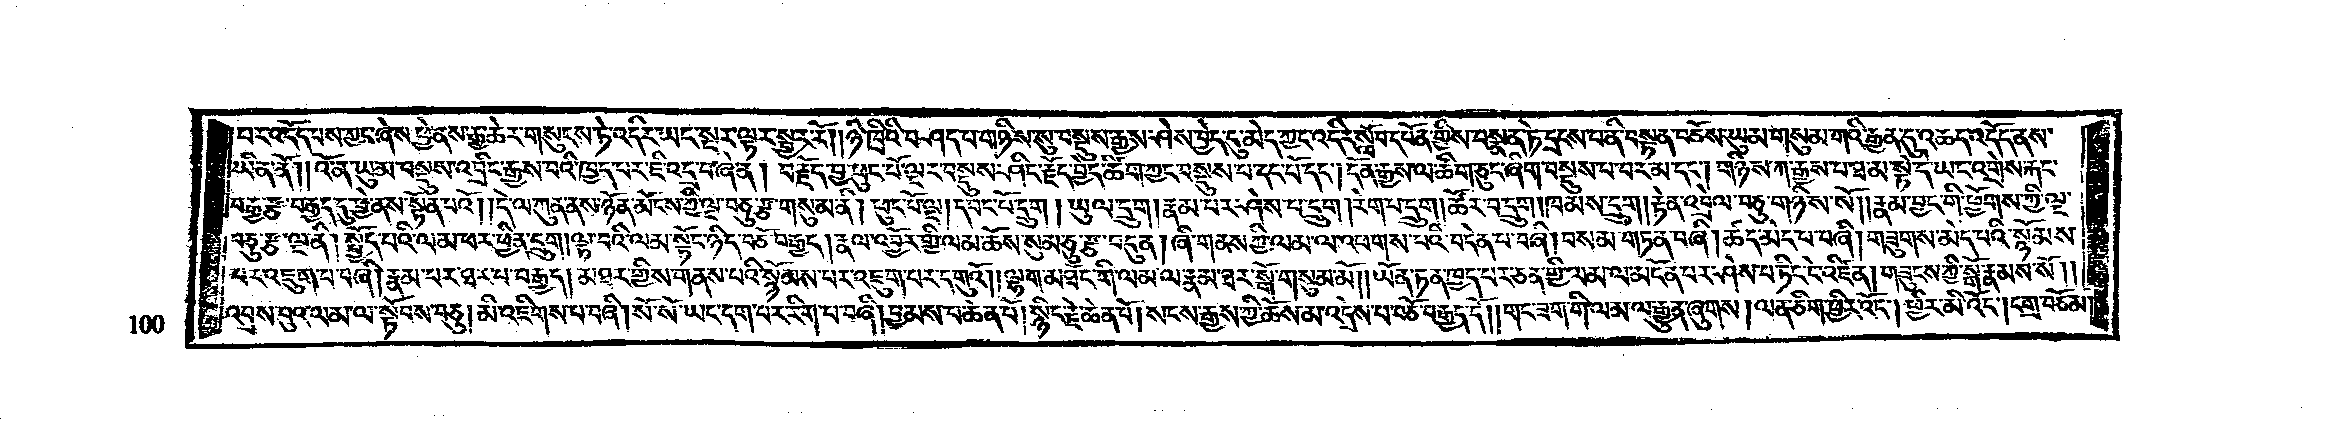པར་འདོད་པས་ཀྱང་ཞེས་ཕྱེ་ནས་རྒྱ་ཆེར་གསུངས་ཏེ་འདིར་ཡང་སྔར་ལྟར་སྦྱར་རོ། །ཉི་ཁྲིའི་བཤད་པ་གཉིས་སུ་བསྡུས་རྒྱས་ཤེས་བྱེད་དུ་མེད་ཀྱང་འདིར་སློབ་དཔོན་གྱིས་བསྣན་ཏེ་དྲངས་པ་ནི་བསྟན་བཅོས་ཡུམ་གསུམ་གའི་རྒྱན་དུ་འཆད་འདོད་ནས་
ཡིན་ནོ། །འོ་ན་ཡུམ་བསྡུས་འབྲིང་རྒྱས་པའི་ཁྱད་པར་ཇི་འདྲ་བ་ཞེ་ན། བརྗོད་བྱ་ཕུང་པོ་ལྔར་བསྡུས་ཤིང་རྗོད་བྱེད་ཚིག་ཀྱང་བསྡུས་པ་དང་པོ་དང་། དོན་རྒྱས་ལ་ཚིག་ཅུང་ཞིག་བསྡུས་པ་བར་མ་དང་། གཉིས་ཀ་རྒྱས་པ་ཐ་མ་སྟེ་དེ་ཡང་འགྲེས་རྐང་
བརྒྱ་རྩ་བརྒྱད་དུ་ཕྱེ་ནས་སྟོན་པའོ། །དེ་ལ་ཀུན་ནས་ཉོན་མོངས་ཀྱི་ལྔ་བཅུ་རྩ་གསུམ་ནི། ཕུང་པོ་ལྔ། དབང་པོ་དྲུག །ཡུལ་དྲུག །རྣམ་པར་ཤེས་པ་དྲུག །རེག་པ་དྲུག །ཚོར་བ་དྲུག །ཁམས་དྲུག །རྟེན་འབྲེལ་བཅུ་གཉིས་སོ། །རྣམ་བྱང་གི་ཕྱོགས་ཀྱི་ལྔ་
བཅུ་རྩ་ལྔ་ནི། སྤྱོད་པའི་ལམ་ཕར་ཕྱིན་དྲུག །ལྟ་བའི་ལམ་སྟོང་ཉིད་བཅོ་བརྒྱད། རྣལ་འབྱོར་གྱི་ལམ་ཆོས་སུམ་ཅུ་རྩ་བདུན། ཞི་གནས་ཀྱི་ལམ་ལ་འཕགས་པའི་བདེན་པ་བཞི། བསམ་གཏན་བཞི། ཚད་མེད་པ་བཞི། གཟུགས་མེད་པའི་སྙོམས་
པར་འཇུག་པ་བཞི། རྣམ་པར་ཐར་པ་བརྒྱད། མཐར་གྱིས་གནས་པའི་སྙོམས་པར་འཇུག་པར་དགུའོ། །ལྷག་མཐོང་གི་ལམ་ལ་རྣམ་ཐར་སྒོ་གསུམ་མོ། །ཡོན་ཏན་ཁྱད་པར་ཅན་གྱི་ལམ་ལ་མངོན་པར་ཤེས་པ་ཏིང་ངེ་འཛིན། གཟུངས་ཀྱི་སྒོ་རྣམས་སོ། །
འབྲས་བུའི་ལམ་ལ་སྟོབས་བཅུ། མི་འཇིགས་པ་བཞི། སོ་སོ་ཡང་དག་པར་རིག་པ་བཞི། བྱམས་པ་ཆེན་པོ། སྙིང་རྗེ་ཆེན་པོ། སངས་རྒྱས་ཀྱི་ཆོས་མ་འདྲེས་པ་བཅོ་བརྒྱད་དོ། །གང་ཟག་གི་ལམ་ལ་རྒྱུན་ཞུགས། ལན་ཅིག་ཕྱིར་འོང་། ཕྱིར་མི་འོང་། དགྲ་བཅོམ་